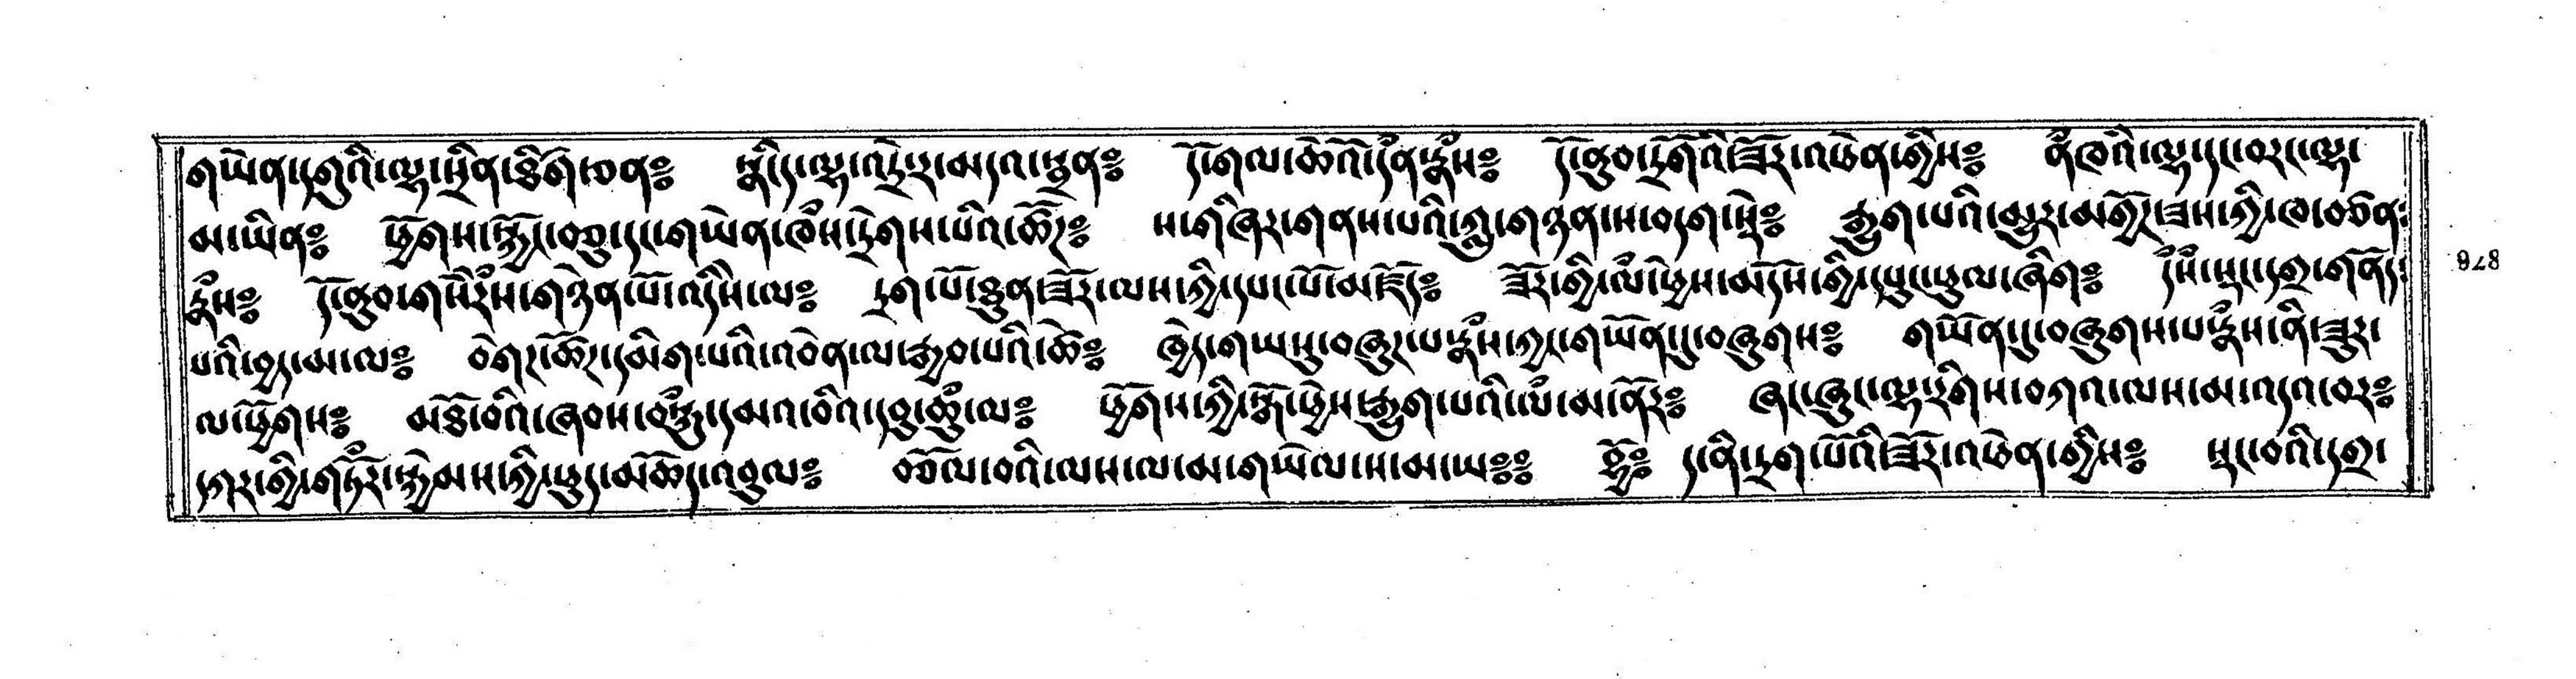གཡེན་དགུའི་ལྷ་སྲིན་ཐ་ཚིག་ཅན༔ སྣང་སྲིད་ལྷ་འདྲེ་ར་མདའ་སྦྲན༔ དོ་གལ་ཆེའོ་དམ་ཅན་རྣམས༔ དོ་ནུབ་དྲག་པོའི་ཟོར་འཕེན་གྱིས༔ ནམ་མཁའི་ལྷ་དང་བར་སྣང་ལྷ་
མ་ཡིན༔ ཕྱོགས་སྐྱོང་བཅུ་དང་གཡེན་ཁམས་དྲེགས་པའི་ཚོགས༔ ས་གཞིར་གནས་པའི་ཀླུ་གཉན་ས་བདག་སྡེ༔ རྒྱུག་པའི་མྱུར་མགྱོགས་ཟས་ཀྱི་ཁ་བཙན་
རྣམས༔ དོ་ནུབ་གསེར་སྐྱེམས་གཉེན་པོ་འདི་བཞེས་ལ༔ དྲག་པོ་ཐུན་ཟོར་ལས་ཀྱི་དཔང་པོ་མཛོད༔ ཟོར་གྱི་ལམ་ཕྱེས་མདོས་ཀྱི་དཔུང་ཕུལ་ཞིག༔ དམ་ཉམས་སྡང་དགྲ་གནོད་
པའི་བྱད་མ་ལ༔ བགེགས་ཚོགས་དམིག་པའི་འབེན་ལ་བརྒྱབས་པའི་ཚེ༔ ཁྱེད་གཡས་སུ་བཞུགས་པ་རྣམས་ཀྱང་གཡོན་དུ་བཞུགས༔ གཡོན་དུ་བཞུགས་པ་རྣམས་ནི་ཟུར་
ལ་ཕྱོགས༔ མཐོ་བའི་ཞབས་བསྐུམ་དམའ་བའི་དབུ་ཆུམ་ལ༔ ཕྱོགས་ཀྱི་སྒོ་ཕྱེས་རྒྱུག་པའི་ལམ་མ་ནོར༔ ཞང་ཞུང་ལྷ་རིགས་བཀའ་ལས་མ་འདའ་བར༔ 
དཀར་གྱི་གཏོར་མ་སྐྱེམས་ཀྱི་ཕུད་མཆོད་འབུལ༔ བཅོལ་བའི་ལས་ལ་མ་གཡེལ་ས་མ་ཡ༔༔ བྷྱོ༔ ད་ནི་དྲག་པོའི་ཟོར་འཕེན་གྱིས༔ སྡང་བའི་དགྲ་